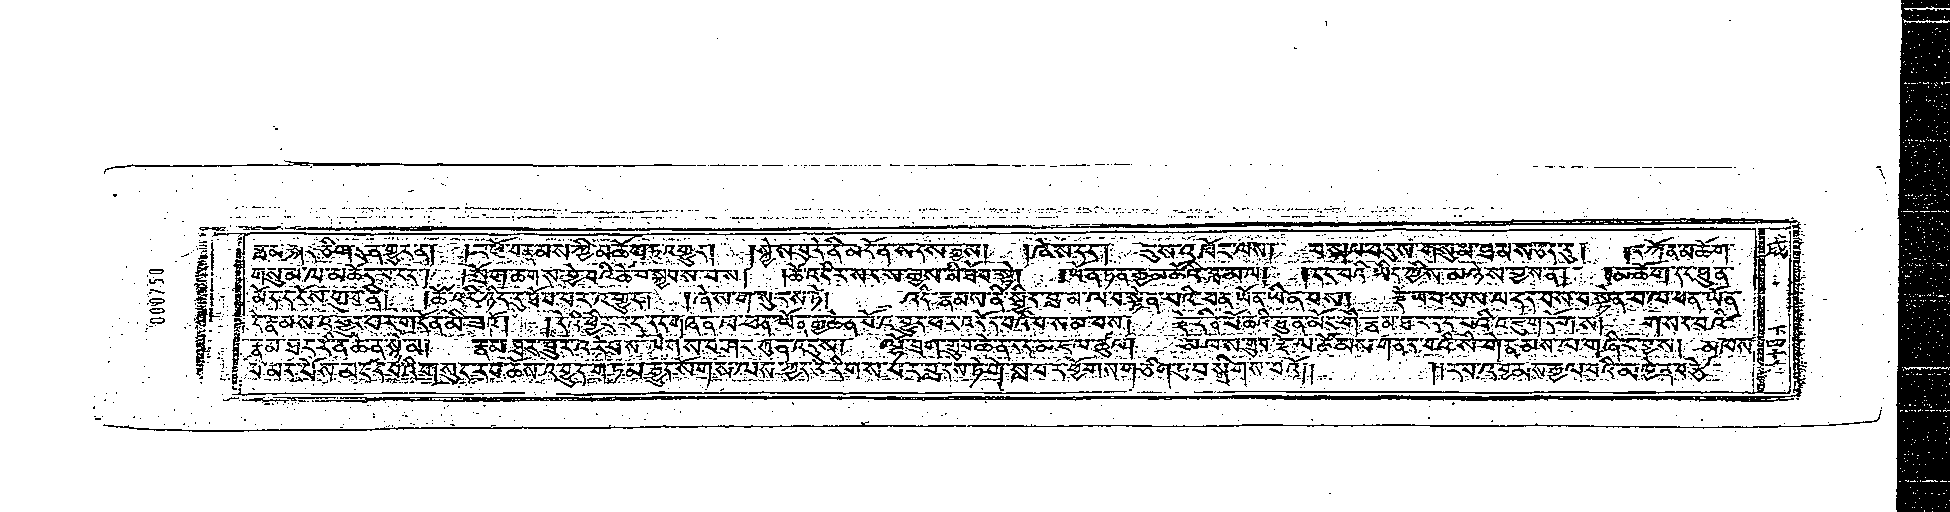བླ་མ་སྐད་ཅིག་དྲན་གྱུར་ན། །འཕོ་བ་རྣམས་ཀྱི་མཆོག་ཏུ་འགྱུར། །སྐྱེས་བུ་དེ་ནི་མངོན་སངས་རྒྱས། །ཞེས་དང་། དུས་འཁོར་ལས། བསྐལ་བ་དུས་གསུམ་ཐམས་ཅད་དུ། །དཀོན་མཆོག་
གསུམ་ལ་མཆོད་པ་དང་། །སྲོག་ཆགས་བྱེ་བའི་ཚེ་བསྐྱབས་པས། །ཚེ་འདིར་སངས་རྒྱས་མི་ཐོབ་སྟེ། །ཡོན་ཏན་རྒྱ་མཚོའི་བླ་མ་ལ། །དང་བའི་ཡིད་ཀྱིས་མཉེས་བྱས་ན། །མཆོག་དང་ཐུན་
མོང་དངོས་གྲུབ་ནི། །ཚེ་འདི་ཉིད་དུ་ཐོབ་པར་འགྱུར། །ཞེས་གསུངས་ཏེ། འདི་རྣམས་ནི་སྤྱིར་བླ་མ་ལ་བསྟེན་པའི་ཕན་ཡོན་ཡིན་པས། རྗེ་ཡབ་སྲས་ལ་དད་པས་བསྟེན་པ་ལ་ཕན་ཡོན་
དེ་རྣམས་འབྱུང་བར་གདོན་མི་ཟའོ། །དེའི་ཕྱིར་རང་དང་གཞན་ལ་ཕན་ཡོན་རྒྱ་ཆེན་པོ་འབྱུང་བར་འདོད་པའི་བསམ་པས། རྗེ་རིན་པོ་ཆེའི་ཐུན་མོང་གི་རྣམ་ཐར་དད་པའི་འཇུག་དོགས། གསང་བའི་
རྣམ་ཐར་རིན་ཆེན་སྙེ་མ། རྣམ་ཐར་བྲུར་འདེབས་ལེགས་བཤད་ཀུན་འདུས། ལྷོ་བྲག་གྲུབ་ཆེན་དད་མཇལ་ཚུལ། མཁས་གྲུབ་རྗེ་ལ་ཆོས་གནང་བའི་ཡི་གེ་རྣམས་ལ་གཞིར་བྱས། མཁས་
པ་མང་པོས་མཛད་པའི་གསུང་རབ་ཆོས་འབྱུང་གཏམ་རྒྱུད་སོགས་ལས་ཀྱང་ཅི་རིགས་པར་བླངས་ཏེ་གོ་སླ་བར་ཕྱོགས་གཅིག་ཏུ་བསྒྲིགས་པའོ།། །།རབ་འབྱམས་རྒྱལ་བའི་མཁྱེན་བརྩེ་